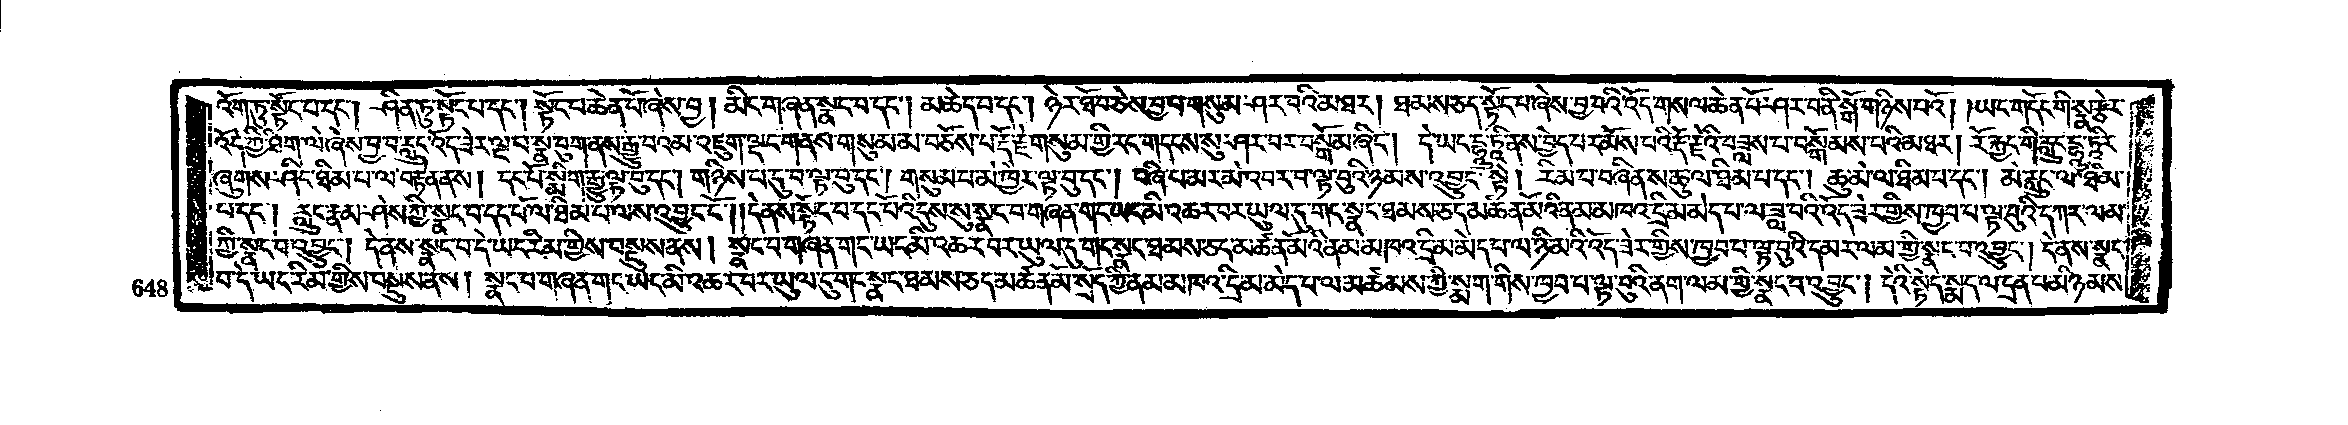འོག་ཏུ་སྟོང་པ་དང་། ཤིན་ཏུ་སྟོང་པ་དང་། སྟོང་པ་ཆེན་པོ་ཞེས་བྱ། མིང་གཞན་སྣང་བ་དང་། མཆེད་པ་དང་། ཉེར་ཐོབ་ཅེས་བྱ་བ་གསུམ་ཤར་བའི་མཐར། ཐམས་ཅད་སྟོང་པ་ཞེས་བྱ་བའི་འོད་གསལ་ཆེན་པོ་ཤར་བ་ནི་སྒོ་གཉིས་པའོ། །ཡང་གདོང་གི་སྣ་རྩེར་
འོད་ཀྱི་ཐིག་ལེ་ཞེས་བྱ་བ་རླུང་འོད་ཟེར་ལྔ་པ་སྣ་བུག་ནས་རྒྱུ་བའམ་འཇུག་ལྡང་གནས་གསུམ་མ་བཅོས་པ་རྡོ་རྗེ་གསུམ་གྱི་རང་གདངས་སུ་ཤར་བར་བསྒོམ་ཞིང་། དེ་ཡང་དྷཱུ་ཏཱི་ནས་བྱེད་པར་མོས་པའི་རྡོ་རྗེའི་བཟླས་པ་བསྒོམས་པའི་མཐར། རོ་རྐྱང་གི་རླུང་དྷཱུ་ཏཱིར་
ཞུགས་ཤིང་ཐིམ་པ་ལ་བརྟེན་ནས། དང་པོ་སྨིག་རྒྱུ་ལྟ་བུ་དང་། གཉིས་པ་དུ་བ་ལྟ་བུ་དང་། གསུམ་པ་མེ་ཁྱེར་ལྟ་བུ་དང་། བཞི་པ་མར་མེ་འབར་བ་ལྟ་བུའི་ཉམས་འབྱུང་སྟེ། རིམ་པ་བཞིན་ས་ཆུ་ལ་ཐིམ་པ་དང་། ཆུ་མེ་ལ་ཐིམ་པ་དང་། མེ་རླུང་ལ་ཐིམ་
པ་དང་། རླུང་རྣམ་ཤེས་ཀྱི་སྣང་བ་དང་པོ་ལ་ཐིམ་པ་ལས་འབྱུང་ངོ། །དེ་ནས་སྟོང་པ་དང་པོའི་དུས་སུ་སྣང་བ་གཞན་གང་ཡང་མི་འཆར་བར་ཡུལ་དུ་གང་སྣང་ཐམས་ཅད་མཚན་མོའི་ནམ་མཁའ་དྲི་མ་མེད་པ་ལ་ཟླ་བའི་འོད་ཟེར་གྱིས་ཁྱབ་པ་ལྟ་བུའི་དཀར་ལམ་
ཀྱི་སྣང་བ་འབྱུང་། དེ་ནས་སྣང་བ་དེ་ཡང་རིམ་གྱིས་བསྡུས་ནས། སྣང་བ་གཞན་གང་ཡང་མི་འཆར་བར་ཡུལ་དུ་གང་སྣང་ཐམས་ཅད་མཚན་མོའི་ནམ་མཁའ་དྲི་མ་མེད་པ་ལ་ཉི་མའི་འོད་ཟེར་གྱིས་ཁྱབ་པ་ལྟ་བུའི་དམར་ལམ་གྱི་སྣང་བ་འབྱུང་། དེ་ནས་སྣང་
བ་དེ་ཡང་རིམ་གྱིས་བསྡུས་ནས། སྣང་བ་གཞན་གང་ཡང་མི་འཆར་བར་ཡུལ་དུ་གང་སྣང་བ་ཐམས་ཅད་མཚན་མོ་སྲོད་ཀྱི་ནམ་མཁའ་དྲི་མ་མེད་པ་ལ་མཚམས་ཀྱི་སྨག་གིས་ཁྱབ་པ་ལྟ་བུའི་ནག་ལམ་གྱི་སྣང་བ་འབྱུང་། དེའི་སྟོད་སྨད་ལ་དྲན་པ་མི་ཉམས་